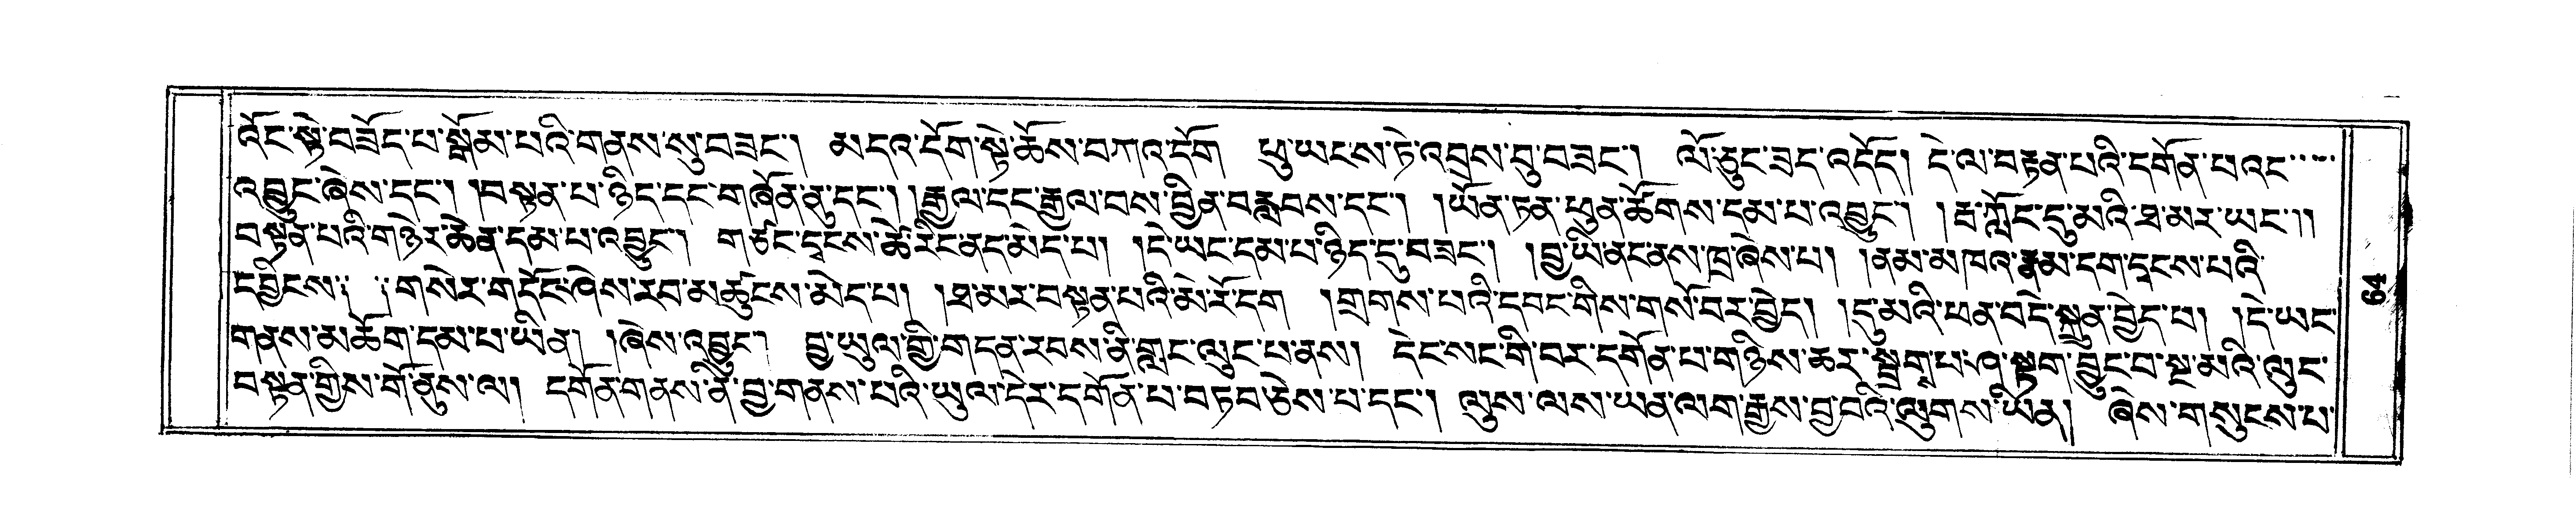འོང་སྟེ་བཟོད་པ་སྒོམ་པའི་གནས་སུ་བཟང་། མདའ་དོག་སྟེ་ཆོས་བཀའ་དོག་ཕུ་ཡང་ས་ཏེ་འབྲས་བུ་བཟང་། ལོ་ཅུང་ཟད་འདོད། དེ་ལ་བརྟན་པའི་དགོན་པའང་
འབྱུང་ཞེས་དང་། །བསྟན་པ་ཉིད་དང་གཞོན་ནུ་དང་། །རྒྱལ་དང་རྒྱལ་བས་བྱིན་བརླབས་དང་། །ཡོན་ཏན་ཕུན་ཚོགས་དམ་པ་འབྱུང་། །རྦ་ཀློང་དུ་མའི་ཐ་མར་ཡང།།
བསྟན་པའི་གཉེར་ཆེན་དམ་པ་འབྱུང་། གཙང་དྭངས་ཚེ་རིང་ནད་མེད་པ། །དེ་ཡང་དམ་པ་ཉིད་དུ་བཟང་། །བྱ་ཡི་ནང་ནས་ཁྲ་ཞེས་པ། །ནམ་མཁའ་རྣམ་དག་དྭངས་པའི་
དབྱིངས༑ ༑གསེར་གདོང་ཤེས་རབ་མཚུངས་མེད་པ། །ཐ་མར་བསྟན་པའི་མེ་རོ་དག །གྲགས་པའི་དབང་གིས་གསོ་བར་བྱེད། །དུ་མའི་ཕན་བདེ་སྐྲུན་བྱེད་པ། །དེ་ཡང་
གནས་མཆོག་དམ་པ་ཡིན། །ཞེས་འབྱུང་། བྱ་ཡུལ་གྱི་གདན་རབས་ནི་གླང་ལུང་པ་ནས། དེང་སང་གི་བར་དགོན་པ་གཉིས་ཆར་སྦྲགས་པ་ཤ་སྟག་བྱུང་བ་སྔ་མའི་ལུང་
བསྟན་གྱིས་གོ་ནུས་ལ། དགོན་གནས་ནི་བྱ་གནས་པའི་ཡུལ་དེར་དགོན་པ་བཏབ་ཅེས་པ་དང་། ལུས་ལས་ཡན་ལག་རྒྱས་བྱ་བའི་ལུགས་ཡིན། ཞེས་གསུངས་པ་